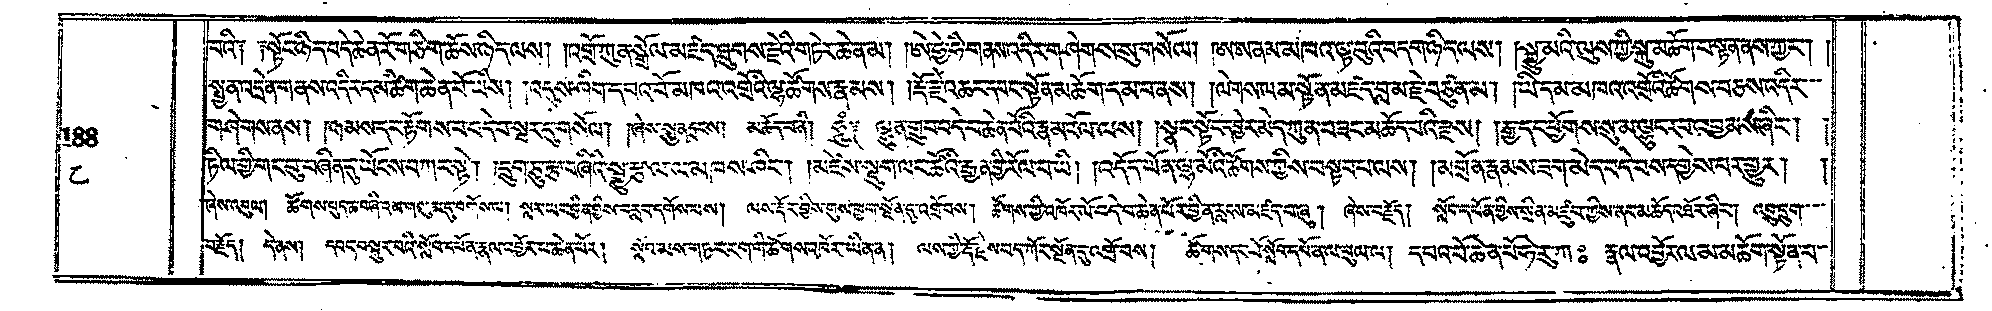པའི༑ ༑སྟོང་ཉིད་བདེ་ཆེན་རོ་གཅིག་ཆོས་ཉིད་ལས། །འགྲོ་ཀུན་སྒྲོལ་མཛད་ཐུགས་རྗེའི་གཏེར་ཆེན་མ། །ཨེ་ཧྱེ་ཧི་གནས་འདིར་གཤེགས་སུ་གསོལ། །ཨ་ཨ་ནམ་མཁའ་ལྟ་བུའི་བདག་ཉིད་ལས། །སྒྱུ་མའི་ལུས་ཀྱི་སྐུ་མཆོག་བསྟན་ནས་ཀྱང་། །
སྤྱན་འདྲེན་གནས་འདིར་དམ་ཚིག་ཆེན་པོ་ཡིས། །འདུས་ཤིག་དཔའ་བོ་མཁའ་འགྲོའི་ལྷ་ཚོགས་རྣམས། །རྡོ་རྗེ་འཆང་དབང་སྟོན་མཆོག་དམ་པ་ནས། །ལེགས་ལམ་སྟོན་མཛད་བླ་མ་རྗེ་བཙུན་མ། །ཡི་དམ་མཁའ་འགྲོའི་ཚོགས་བཅས་འདིར་་་
གཤེགས་ནས། །ཉམས་དང་རྟོགས་པ་བདེ་བ་སྦར་དུ་གསོལ། །ཞེས་སྤྱན་དྲངས། མཆོད་པ་ནི།  ཧཱུཾ༑ ལྷུན་གྲུབ་བདེ་བ་ཆེན་པོའི་རྣམ་རོལ་ལས། །སྣང་སྟོང་དབྱེར་མེད་ཀུན་བཟང་མཆོད་པའི་རྫས། །རྒྱ་དང་ཕྱོགས་སུ་མ་ལྷུང་རབ་འབྱམས་ཞིང་། །
ཏིལ་གྱི་གང་བུ་བཞིན་དུ་ཡོངས་བཀང་སྟེ། །དྲུག་ཅུ་རྩ་བཞིའི་སྒྱུ་རྩལ་ལ་མཁས་ཤིང་། །མཛེས་སྡུག་ལང་ཚོའི་རྒྱན་གྱི་རོལ་པ་ཡི། །འདོད་ཡོན་ལྷ་མོའི་ཚོགས་ཀྱིས་བསྟབ་པ་ལས། །མགྲོན་རྣམས་ཟག་མེད་བདེ་བས་དགྱེས་པར་གྱུར། །
ཞེས་འབུལ། ཚོགས་ཕུད་ཆ་བཞི་འམ་གསུམ་དུ་བགོས་ལ། སླར་ཡང་བྱིན་གྱིས་བརླབ་དགོས་པས། ལས་རྡོར་གྱིས་གུས་ཕྱག་སྔོན་དུ་འགྲོ་བས། ཚོགས་ཀྱི་འཁོར་ལོ་བདེ་བ་ཆེན་པོར་བྱིན་རླབས་མཛད་བ་ཞུ། ཞེས་བརྗོད། སློབ་དཔོན་གྱིས་སྲིན་མཛུབ་ཀྱིས་ནང་མཆོད་འཐོར་ཞིང་། འབྲུ་དྲུག་་་
བརྗོད། དེ་ནས། དབང་བསྐུར་བའི་སློབ་དཔོན་རྣལ་འབྱོར་པ་ཆེན་པོར། སློབ་མས་གཏང་རག་གི་ཚོགས་འཁོར་ཡིན་ན། ལས་ཀྱི་རྡོ་རྗེས་པད་ཀོར་སྔོན་དུ་འགྲོ་བས། ཚོགས་དང་པོ་སློབ་དཔོན་ལ་ཕུལ་ལ། དཔའ་བོ་ཆེན་པོ་ཧེ་རུ་ཀཿ རྣལ་འབྱོར་ལམ་མཆོག་སྟོན་པ་་་